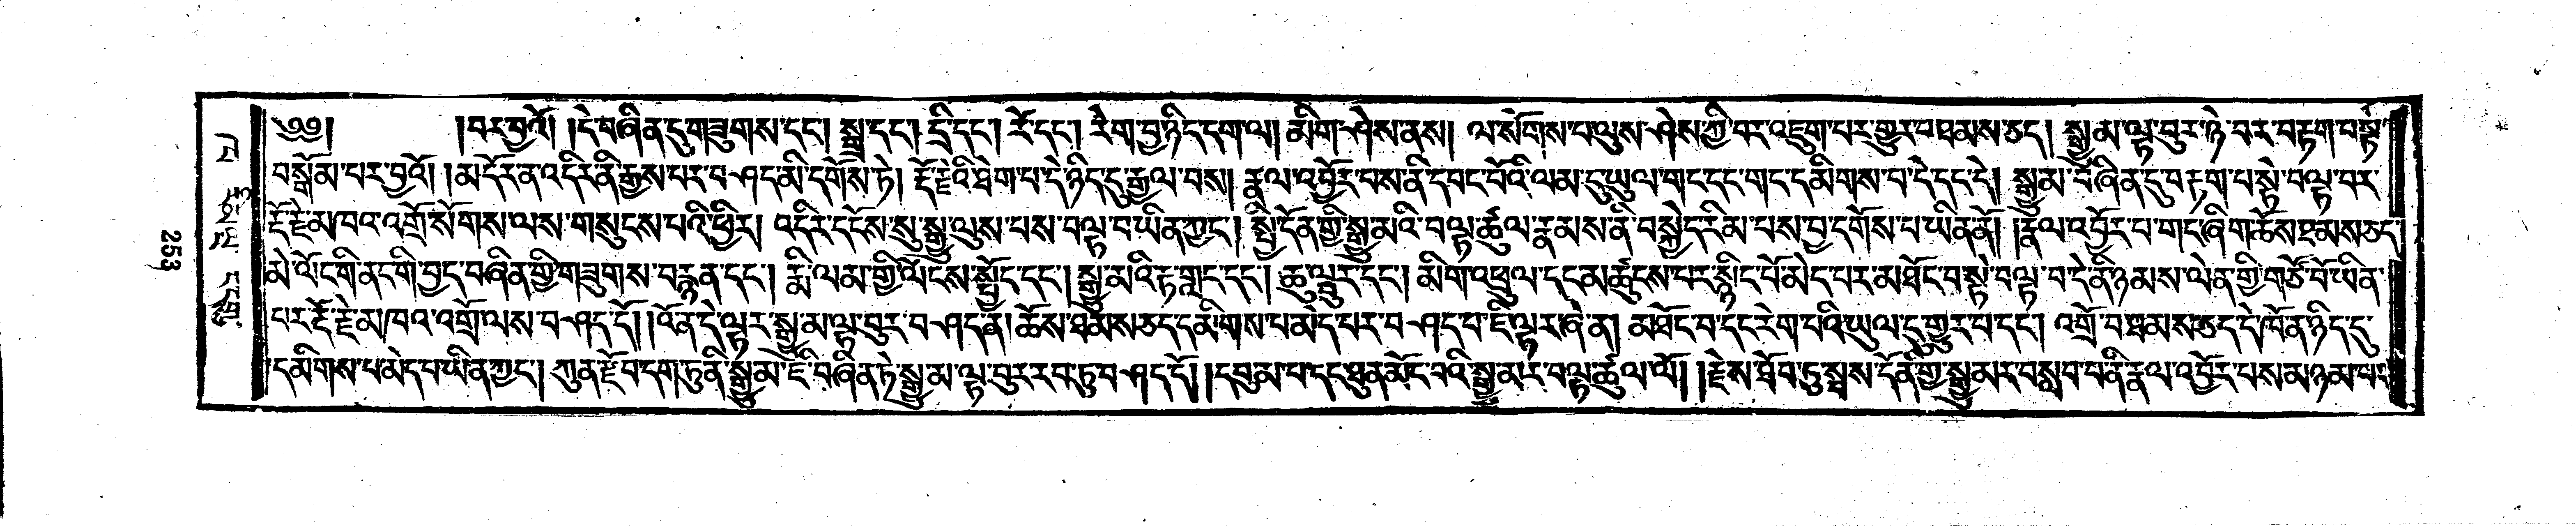༄༅། །བར་བྱའོ། །དེ་བཞིན་དུ་གཟུགས་དང་། སྒྲ་དང་། དྲི་དང་། རོ་དང་། རེག་བྱ་ཉིད་དག་ལ། མིག་ཤེས་ནས། ལ་སོགས་པ་ལུས་ཤེས་ཀྱི་བར་འཇུག་པར་གྱུར་པ་ཐམས་ཅད། སྒྱུ་མ་ལྟ་བུར་ཉེ་བར་བརྟག་པ་སྟེ་
བསྒོམ་པར་བྱའོ། །མདོར་ན་འདིར་ནི་རྒྱས་པར་བཤད་མི་དགོས་ཏེ། རྡོ་རྗེའི་ཐེག་པ་དེ་ཉིད་དུ་རྒྱལ་བས། རྣལ་འབྱོར་བས་ནི་དབང་པོའི་ལམ་དུ་ཡུལ་གང་དང་གང་དམིགས་པ་དེ་དང་དེ། སྒྱུ་མ་བཞིན་དུ་བརྟག་པ་སྟེ་བལྟ་བར་
རྡོ་རྗེ་མཁའ་འགྲོ་སོགས་ལས་གསུངས་པའི་ཕྱིར། འདིར་དངོས་སུ་སྒྱུ་ལུས་པས་བལྟ་བ་ཡིན་ཀྱང་། སྤྱི་དོན་གྱི་སྒྱུ་མའི་བལྟ་ཚུལ་རྣམས་ནི་བསྐྱེད་རིམ་པས་བྱ་དགོས་པ་ཡིན་ནོ། །རྣལ་འབྱོར་པ་གང་ཞིག་ཆོས་ཐམས་ཅད་
མེ་ལོང་གི་ནང་གི་བྱད་བཞིན་གྱི་གཟུགས་བརྙན་དང་། རྨི་ལམ་གྱི་ལོངས་སྤྱོད་དང་། སྒྱུ་མའི་རྟ་གླང་དང་། ཆུ་ལྦུར་དང་། མིག་འཕྲུལ་དང་མཚུངས་པར་སྙིང་པོ་མེད་པར་མཐོང་བ་སྟེ་བལྟ་བ་དེ་ནི་ཉམས་ལེན་གྱི་གཙོ་བོ་ཡིན་
པར་རྡོ་རྗེ་མཁའ་འགྲོ་ལས་བཤད་དོ། །འོ་ན་དེ་ལྟར་སྒྱུ་མ་ལྟ་བུར་བཤད་ན། ཆོས་ཐམས་ཅད་དམིགས་པ་མེད་པར་བཤད་པ་ཇི་ལྟར་ཞེ་ན། མཐོང་བ་དང་རེག་པའི་ཡུལ་དུ་གྱུར་པ་དང་། འགྲོ་བ་ཐམས་ཅད་དེ་ཁོ་ན་ཉིད་དུ་
དམིགས་པ་མེད་པ་ཡིན་ཀྱང་། ཀུན་རྫོབ་དག་ཏུ་ནི་སྒྱུ་མ་ཇི་བཞིན་ཏེ་སྒྱུ་མ་ལྟ་བུར་རབ་ཏུ་བཤད་དོ། །དབུ་མ་པ་དང་ཐུན་མོང་བའི་སྒྱུ་མར་བལྟ་ཚུལ་ལོ། །རྗེས་ཐོབ་ཏུ་སྦས་དོན་གྱི་སྒྱུ་མར་བསླབ་པ་ནི་རྣལ་འབྱོར་བས་མཉམ་པར་